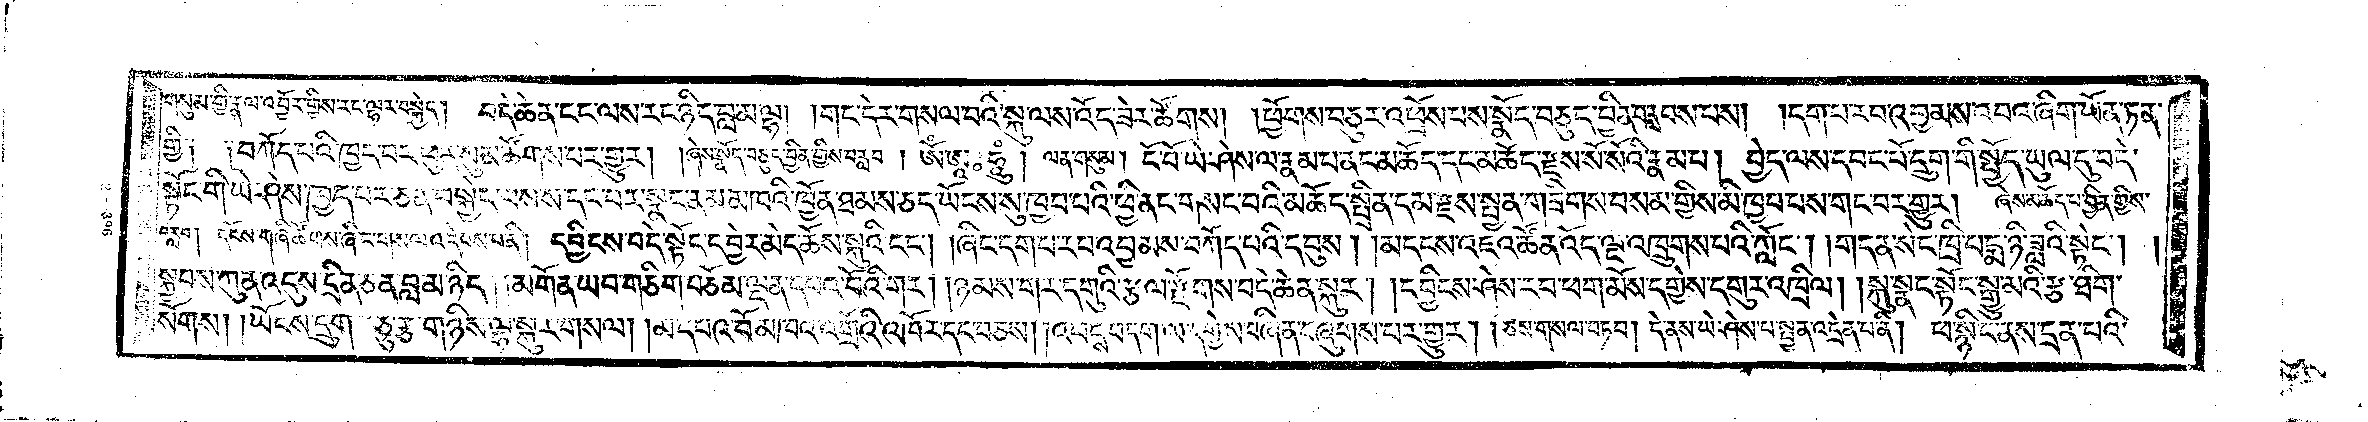གསུམ་གྱི་རྣལ་འབྱོར་གྱིས་རང་ལྷར་བསྐྱེད། བདེ་ཆེན་ངང་ལས་རང་ཉིད་བླ་མ་ལྷ། །གང་དེར་གསལ་བའི་སྐུ་ལས་འོད་ཟེར་ཚོགས། །ཕྱོགས་བཅུར་འཕྲོས་པས་སྣོད་བཅུད་བྱིན་བརླབས་པས། །དག་པ་རབ་འབྱམས་འབའ་ཞིག་ཡོན་ཏན་
གྱི༑ ༑བཀོད་པའི་ཁྱད་པར་ཕུན་སུམ་ཚོགས་པར་གྱུར། །ཞེས་སྣོད་བཅུད་བྱིན་གྱིས་བརླབ་།ཨོཾ་ཨཱཿཧཱུཾ། ལན་གསུམ།  ངོ་བོ་ཡེ་ཤེས་ལ་རྣམ་པ་ནང་མཆོད་དང་མཆོད་རྫས་སོ་སོའི་རྣམ་པ། བྱེད་ལས་དབང་པོ་དྲུག་གི་སྤྱོད་ཡུལ་དུ་བདེ་
སྟོང་གི་ཡེ་ཤེས་ཁྱད་པར་ཅན་བསྐྱེད་པས་ས་དང་པར་སྣང་ནམ་མཁའི་ཁྱོན་ཐམས་ཅད་ཡོངས་སུ་ཁྱབ་པའི་ཕྱི་ནང་གསང་བའི་མཆོད་སྤྲིན་དམ་རྫས་སྤྱན་གཟིགས་བསམ་གྱིས་མི་ཁྱབ་པས་གང་བར་གྱུར། ཞེས་མཆོད་པ་བྱིན་གྱིས་
བརླབ། དངོས་གཞི་ཚོགས་ཞིང་གསལ་འདེབས་པ་ནི། དབྱིངས་བདེ་སྟོང་དབྱེར་མེད་ཆོས་སྐུའི་ངང་། །ཞིང་དག་པ་རབ་འབྱམས་བཀོད་པའི་དབུས། །མདངས་འཇའ་ཚོན་འོད་ལྔ་འཁྲུགས་པའི་ཀློང་། །གདན་སེང་ཁྲི་པདམ་ཉི་ཟླའི་སྟེང་། །
སྐྱབས་ཀུན་འདུས་དྲིན་ཅན་བླ་མ་ཉིད། །མགོན་ཡབ་གཅིག་བཅོམ་ལྡན་དཔའ་བོའི་གར། །ཉམས་གར་དགུའི་རྩལ་རྫོགས་བདེ་ཆེན་སྐུར། །དབྱིངས་ཤེས་རབ་ཕག་མོས་དགྱེས་དགུར་འཁྲིལ། །སྐུ་སྣང་སྟོང་སྒྱུ་མའི་རྩ་ཐིག་
སོགས། །ཡོངས་དྲུག་ཅུ་རྩ་གཉིས་ལྷ་སྐུར་གསལ། །མ་དཔའ་བོ་མཁའ་འགྲོའི་འཁོར་དང་བཅས། །འབངས་བདག་ལ་དགྱེས་བཞིན་བཞུགས་པར་གྱུར། །ཅས་གསལ་བཏབ། དེ་ནས་ཡེ་ཤེས་པ་སྤྱན་འདྲེན་པ་ནི།  ཕ་སྙིང་ནས་དྲན་པའི་